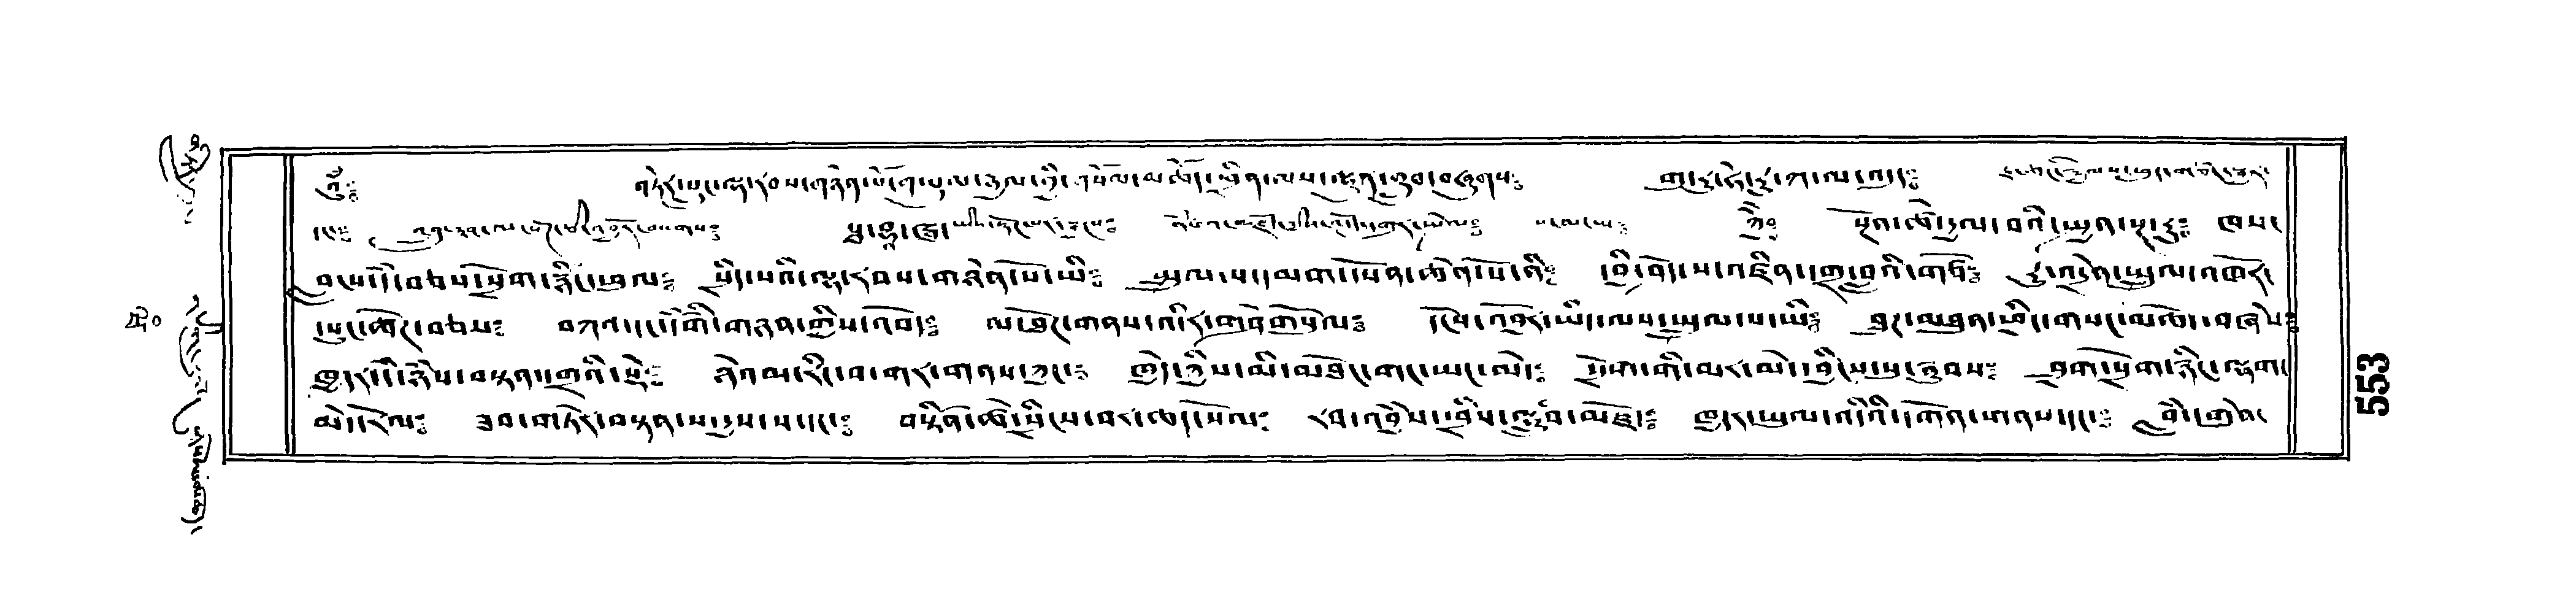གཏེར་སྲུང་ལྷ་རབས་གཉེན་པོ་གཡུལ་རྒྱལ་གྱི་གསོལ་མཆོད་ཕྲིན་ལས་ལྷུན་གྲུབ་བཞུགས༔ གུ་རུ་ཧེ་རུ་ཀ་ལ་འདུད༔ ཇ་ཆང་སྐྱེམས་ཕུད་གཙང་སྦྱར་
དང༔ འབྲུ་ཟན་ལ་སོགས་ཅི་འབྱོར་བསགས༔ སྭ་བྷཱ་ཝ་ཡིས་སྟོང་པར་སྦྱངས༔ ནམ་མཁའ་མདོད་ཀྱིས་འཛོད་དགུར་སྤེལ༔ ས་མ་ཡ༔ ཀྱཻ༔ སྔོན་ཚེ་རྒྱལ་བའི་སྤྱན་སྔ་རུ༔ ཁས་
བླངས་དམ་བཅས་སྲོག་སྙིང་ཕུལ༔ སྲིད་པའི་ལྷ་རབས་གཉེན་པོ་ཡི༔ སྤྲུལ་པ་དམག་དཔོན་ཆེན་པོ་ནི༔ དབྱི་ཤོད་ས་འཛིན་དགྲ་བླའི་གཙོ༔ རུ་འདྲེན་སྤྲུལ་འཁོར་
དཔུང་ཚོགས་བཅས༔ བཀའ་དང་དམ་ཚིག་གཉན་གྱིས་འབོད༔ མ་ཐོགས་གནས་འདིར་གཤེགས་སུ་གསོལ༔ དངོས་འབྱོར་ཡིད་ལས་སྤྲུལ་པ་ཡི༔ ཐུགས་མཐུན་ཕྱི་ནང་གསང་མཆོད་བཞེས༔ 
ཁྱད་པར་དམ་ཉམས་བསྟན་དགྲའི་སྡེ༔ ཉེའམ་རིང་བ་གར་གནས་ཀྱང༔ ཁྱེད་ཀྱིས་མི་མཐོང་གང་ཡང་མེད༔ སྲོག་གི་མར་མེ་དབྱིངས་སུ་སྣུབས༔ ཤ་ཁྲག་སྲོག་སྙིང་ལྷག་
མེད་རོལ༔ ཟབ་གཏེར་བསྟན་པ་རྒྱས་པ་དང༔ བསྟན་འཛིན་ཚེ་སྲིངས་བར་ཆད་སོལ༔ རབ་འབྱམས་ཕྲིན་ལས་ལྷུན་གྲུབ་མཛོད༔ ཁྱད་པར་ཡུལ་འདིའི་དགོན་གནས་དང༔ བླ་མ་དགེ་འདུན་